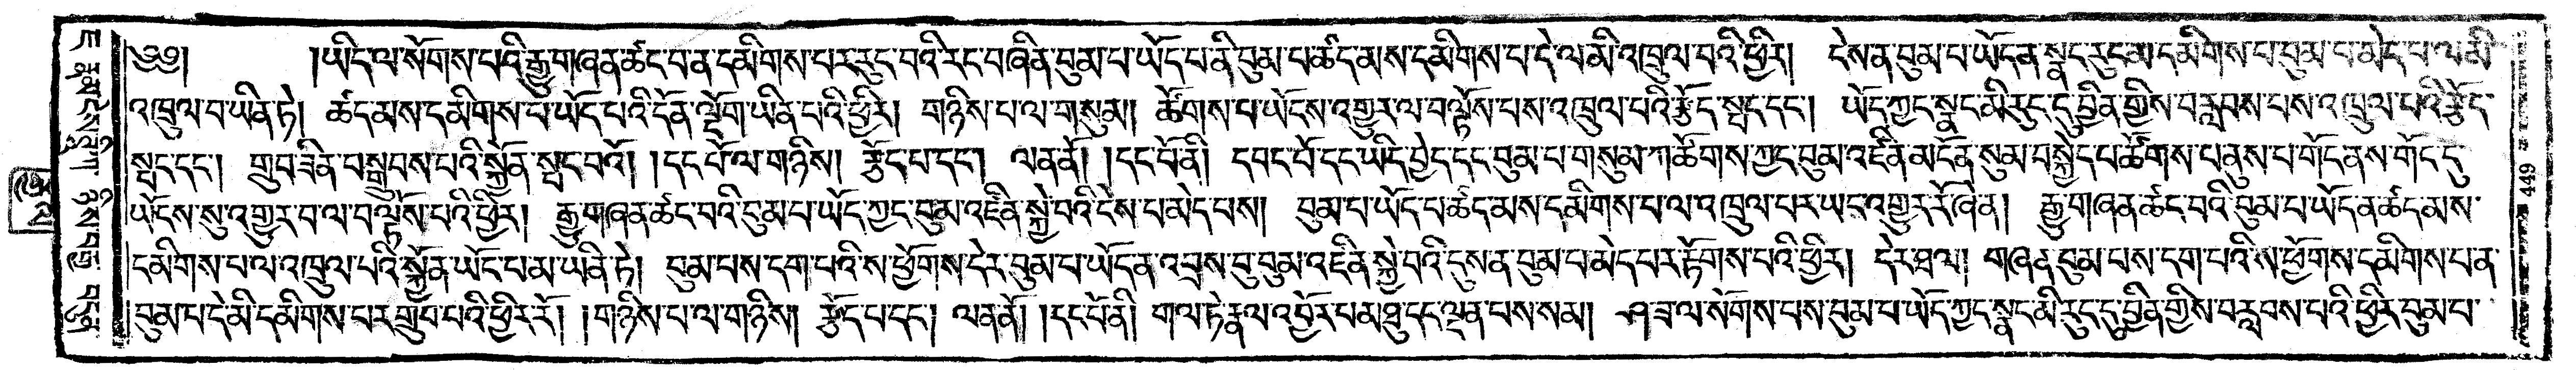༄༅། །ལས་བཟློག་པའི་བུམ་པ་ཡོད་ན་སྣང་དུ་རུང་བ་ལས་མི་དམིགས་པ་ནི་བུམ་པ་མེད་པ་དེ་ལ་མི་འཁྲུལ་བ་ཡིན་ཏེ། ཤེས་པ་དང་འདྲེར་རུང་བ་ཚད་མས་དམིགས་པ་ཉིད་ནི་བུམ་པ་ལ་སོགས་པ་ཡོད་པ་འདིའི་ཡོད་པར་
འཇོག་པའི་དོན་ལྡོག་ཡིན་པའི་ཕྱིར། བུམ་པ་ཡོད་ན་དམིགས་རུང་མ་དམིགས་པ་དེས་ཀྱང་གཞི་འགར་ཡུལ་ཅན་བུམ་པ་མེད་པའི་ཐ་སྙད་བསྒྲུབ་པར་བྱེད་དེ། དེ་དེ་ལ་མི་འཁྲུལ་པའི་ཕྱིར། གསུམ་པ་ནི། སྔར་བཤད་པའི་རིགས་པ་འདིས་ནི་
ཆོས་ཅན། འདིར་རྒྱུ་འབྲས་བུ་ལ་འཁྲུལ་བས་འབྲས་བུ་ལོག་ཀྱང་རྒྱུ་མེད་པར་མི་འགྲུབ་པ་ཡང་བསལ་བ་ཡིན་ཏེ། བུམ་པ་ཡོད་ན་ངེས་པར་དམིགས་པས་ཁྱབ་པར་བསྟན་པའི་ཕྱིར། གསུམ་པ་ནི། དམིགས་རུང་མ་དམིགས་པ་
དང་མེད་པའི་འབྲེལ་པ་དཔེ་ལ་མངོན་སུམ་གྱིས་གྲུབ་ན་རྩོད་གཞི་ལ་ཡང་གྲུབ་པས་རྟགས་དོན་མེད་དོ་ཞེ་ན། མ་དམིགས་པའི་གཏན་ཚིགས་དེ་ལ་ཡང་བུམ་པ་མེད་པའི་ཐ་སྙད་བུམ་པ་དམིགས་རུང་མི་དམིགས་པ་དེའི་རྒྱུ་མཚན་ཅན་
ཡིན་པར་དཔེ་ལ་མངོན་སུམ་གྱིས་གྲུབ་ཀྱང་རྩོད་གཞི་ལ་རྟགས་ཀྱིས་སྒྲུབ་མི་དགོས་པའི་སྐྱོན་མེད་པར་ཐལ། བུམ་པ་མེད་པ་དེའི་ཐ་སྙད་འཇུག་པའི་རྒྱུ་རྩོད་གཞི་ལ་ཡོད་པའི་སྒོ་ནས་མི་དམིགས་པའི་རྟགས་ཀྱིས་བསྒྲུབ་པར་བྱ་བ་ཡིན་
པའི་ཕྱིར། དཔེར་ན་རྒྱུ་མཚན་ཅན་གཞན་ནོག་ལྐོག་ཤལ་སོགས་འདུས་པས་བ་ལང་གི་ཐ་སྙད་སྒྲུབ་པ་བཞིན་ནོ། །གསུམ་པ་ལ་གཉིས། དྲི་བ་དང་། ལན་ནོ། །དང་པོ་ནི། བུམ་པ་དམིགས་རུང་མ་དམིགས་པ་ཚད་མས་མ་གྲུབ་ན་བུམ་